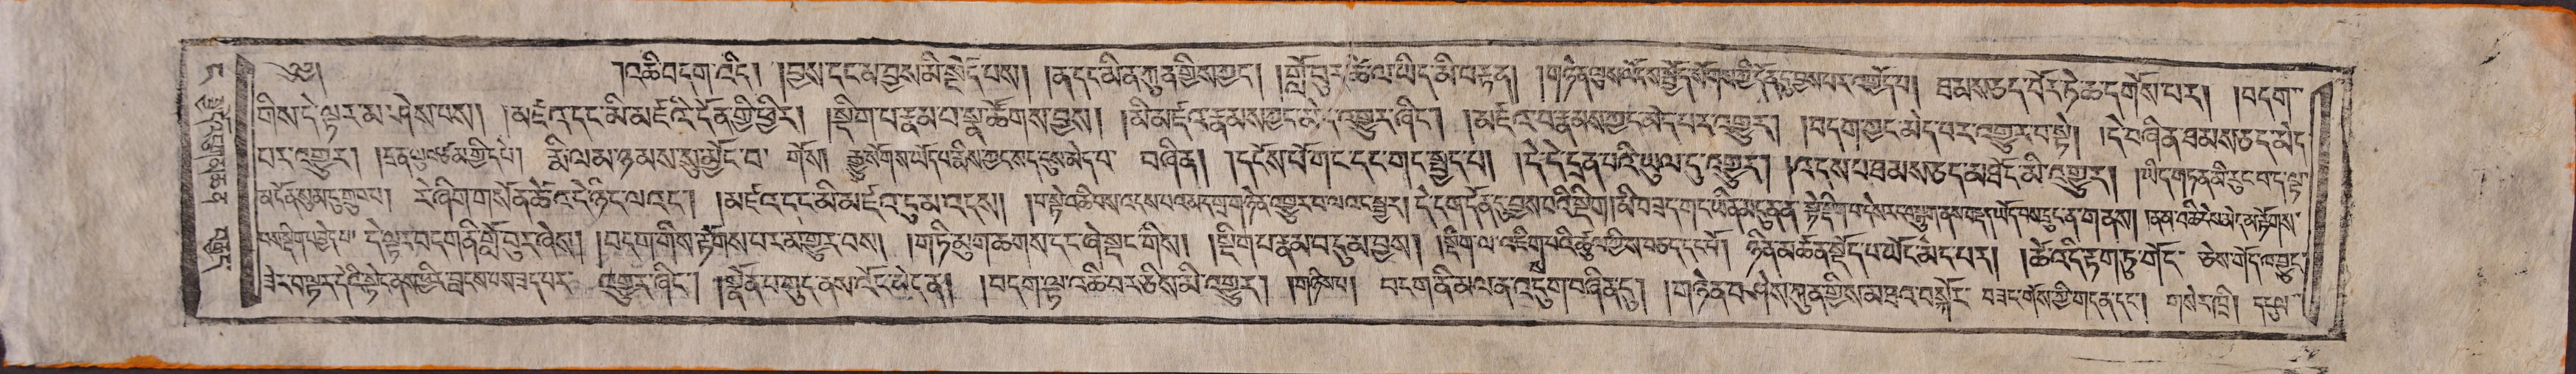༄༅། །འཆི་བདག་འདི། །བྱས་དང་མ་བྱས་མི་སྡེད་པས། །ན་དང་མི་ན་ཀུན་གྱིས་ཀྱང་། །གློ་བུར་ཚེ་ལ་ཡིད་མི་བརྟན། །གཉེན་ལུས་ལོངས་སྤྱོད་སོགས་ཀྱི་དོན་དུ་བྱས་པར་འགྱོད་པ། ཐམས་ཅད་བོར་ཏེ་ཆ་དགོས་པར། །བདག་
གིས་དེ་ལྟར་མ་ཤེས་པས། །མཛའ་དང་མི་མཛའི་དོན་གྱི་ཕྱིར། །སྡིག་པ་རྣམས་པ་སྣ་ཚོགས་བྱས། །མི་མཛའ་རྣམས་ཀྱང་མེད་འགྱུར་ཞིང་། །མཛའ་བ་རྣམས་ཀྱང་མེད་པར་འགྱུར། །བདག་ཀྱང་མེད་པར་འགྱུར་བ་སྟེ། །དེ་བཞིན་ཐམས་ཅད་མེད་
པར་འགྱུར། །དྲན་ཡུལ་ཙམ་གྱི་དཔེ། རྨི་ལམ་ཉམས་སུ་མྱོང་བ་གོ་ས། རྒྱུ་སོགས་ཡོད་པ་རྨིས་ཀྱང་སད་དུས་མེད་པ་བཞིན། །དངོས་པོ་གང་དང་གང་སྤྱད་པ། །དེ་དེ་དྲན་པའི་ཡུལ་དུ་འགྱུར། །འདས་པ་ཐམས་ཅད་མཐོང་མི་འགྱུར། །ཡིད་གཏན་མི་རུང་བ་ད་ལྟར་
མངོན་སུམ་དུ་གྲུབ་པ་རེ་ཞིག་གསོན་ཚེ་འདི་ཉིད་ལའང་། །མཛའ་དང་མི་མཛའ་དུ་མ་འདས། །པ་སྟེ་འཆིབས་འདས་པའམ་དགྲ་གཉེན་འགྱུར་བ་ལའང་སྦྱར། དེ་དག་དོན་དུ་བྱས་པའི་སྡིག །མི་བཟད་གང་ཡིན་མདུན་ན་སྟེ་སྡིག་པ་དེས་རང་བསྒུག་ནས་བསྡད་ཡོད་པས་དྲུང་ན་གནས། །ནམ་འཆི་ངེས་མེད་མ་རྟོགས་
པས་སྡིག་པ་བྱེད་པ། དེ་ལྟར་བདག་ནི་གློ་བུར་ཞེས། །བདག་གིས་རྟོགས་པར་མ་གྱུར་བས། །གཏི་མུག་ཆགས་དང་ཞེ་སྡང་གིས། །སྡིག་པ་རྣམ་པ་དུ་མ་བྱས། །སྡིག་པ་འཇིགས་པའི་ཚུལ་གྱིས་བཅད་དང་པོ།  ཉིན་མཚན་སྡོད་པ་ཡོང་མེད་པར། །ཚེ་འདི་རྟག་ཏུ་གོད་ཅེས་གོད་ཁ་བྱུང་
ཟེར་བ་ལྟར་དེའི་སྟེང་ནས་ཕྱིར་བླངས་པས་ཟད་པར་འགྱུར་ཞིང་། །སྣོན་པ་གུད་ནས་འོང་མེད་ན། །བདག་ལྟ་འཆི་བར་ཅིས་མི་འགྱུར། །གཉིས་པ།  བདག་ནི་མལ་ན་འདུག་བཞིན་དུ། །གཉེན་བཤེས་ཀུན་གྱིས་མཐའ་བསྐོར་བཟང་གོས་ཀྱི་གདན་དང་། གསེར་ཁྲི། དངུལ་